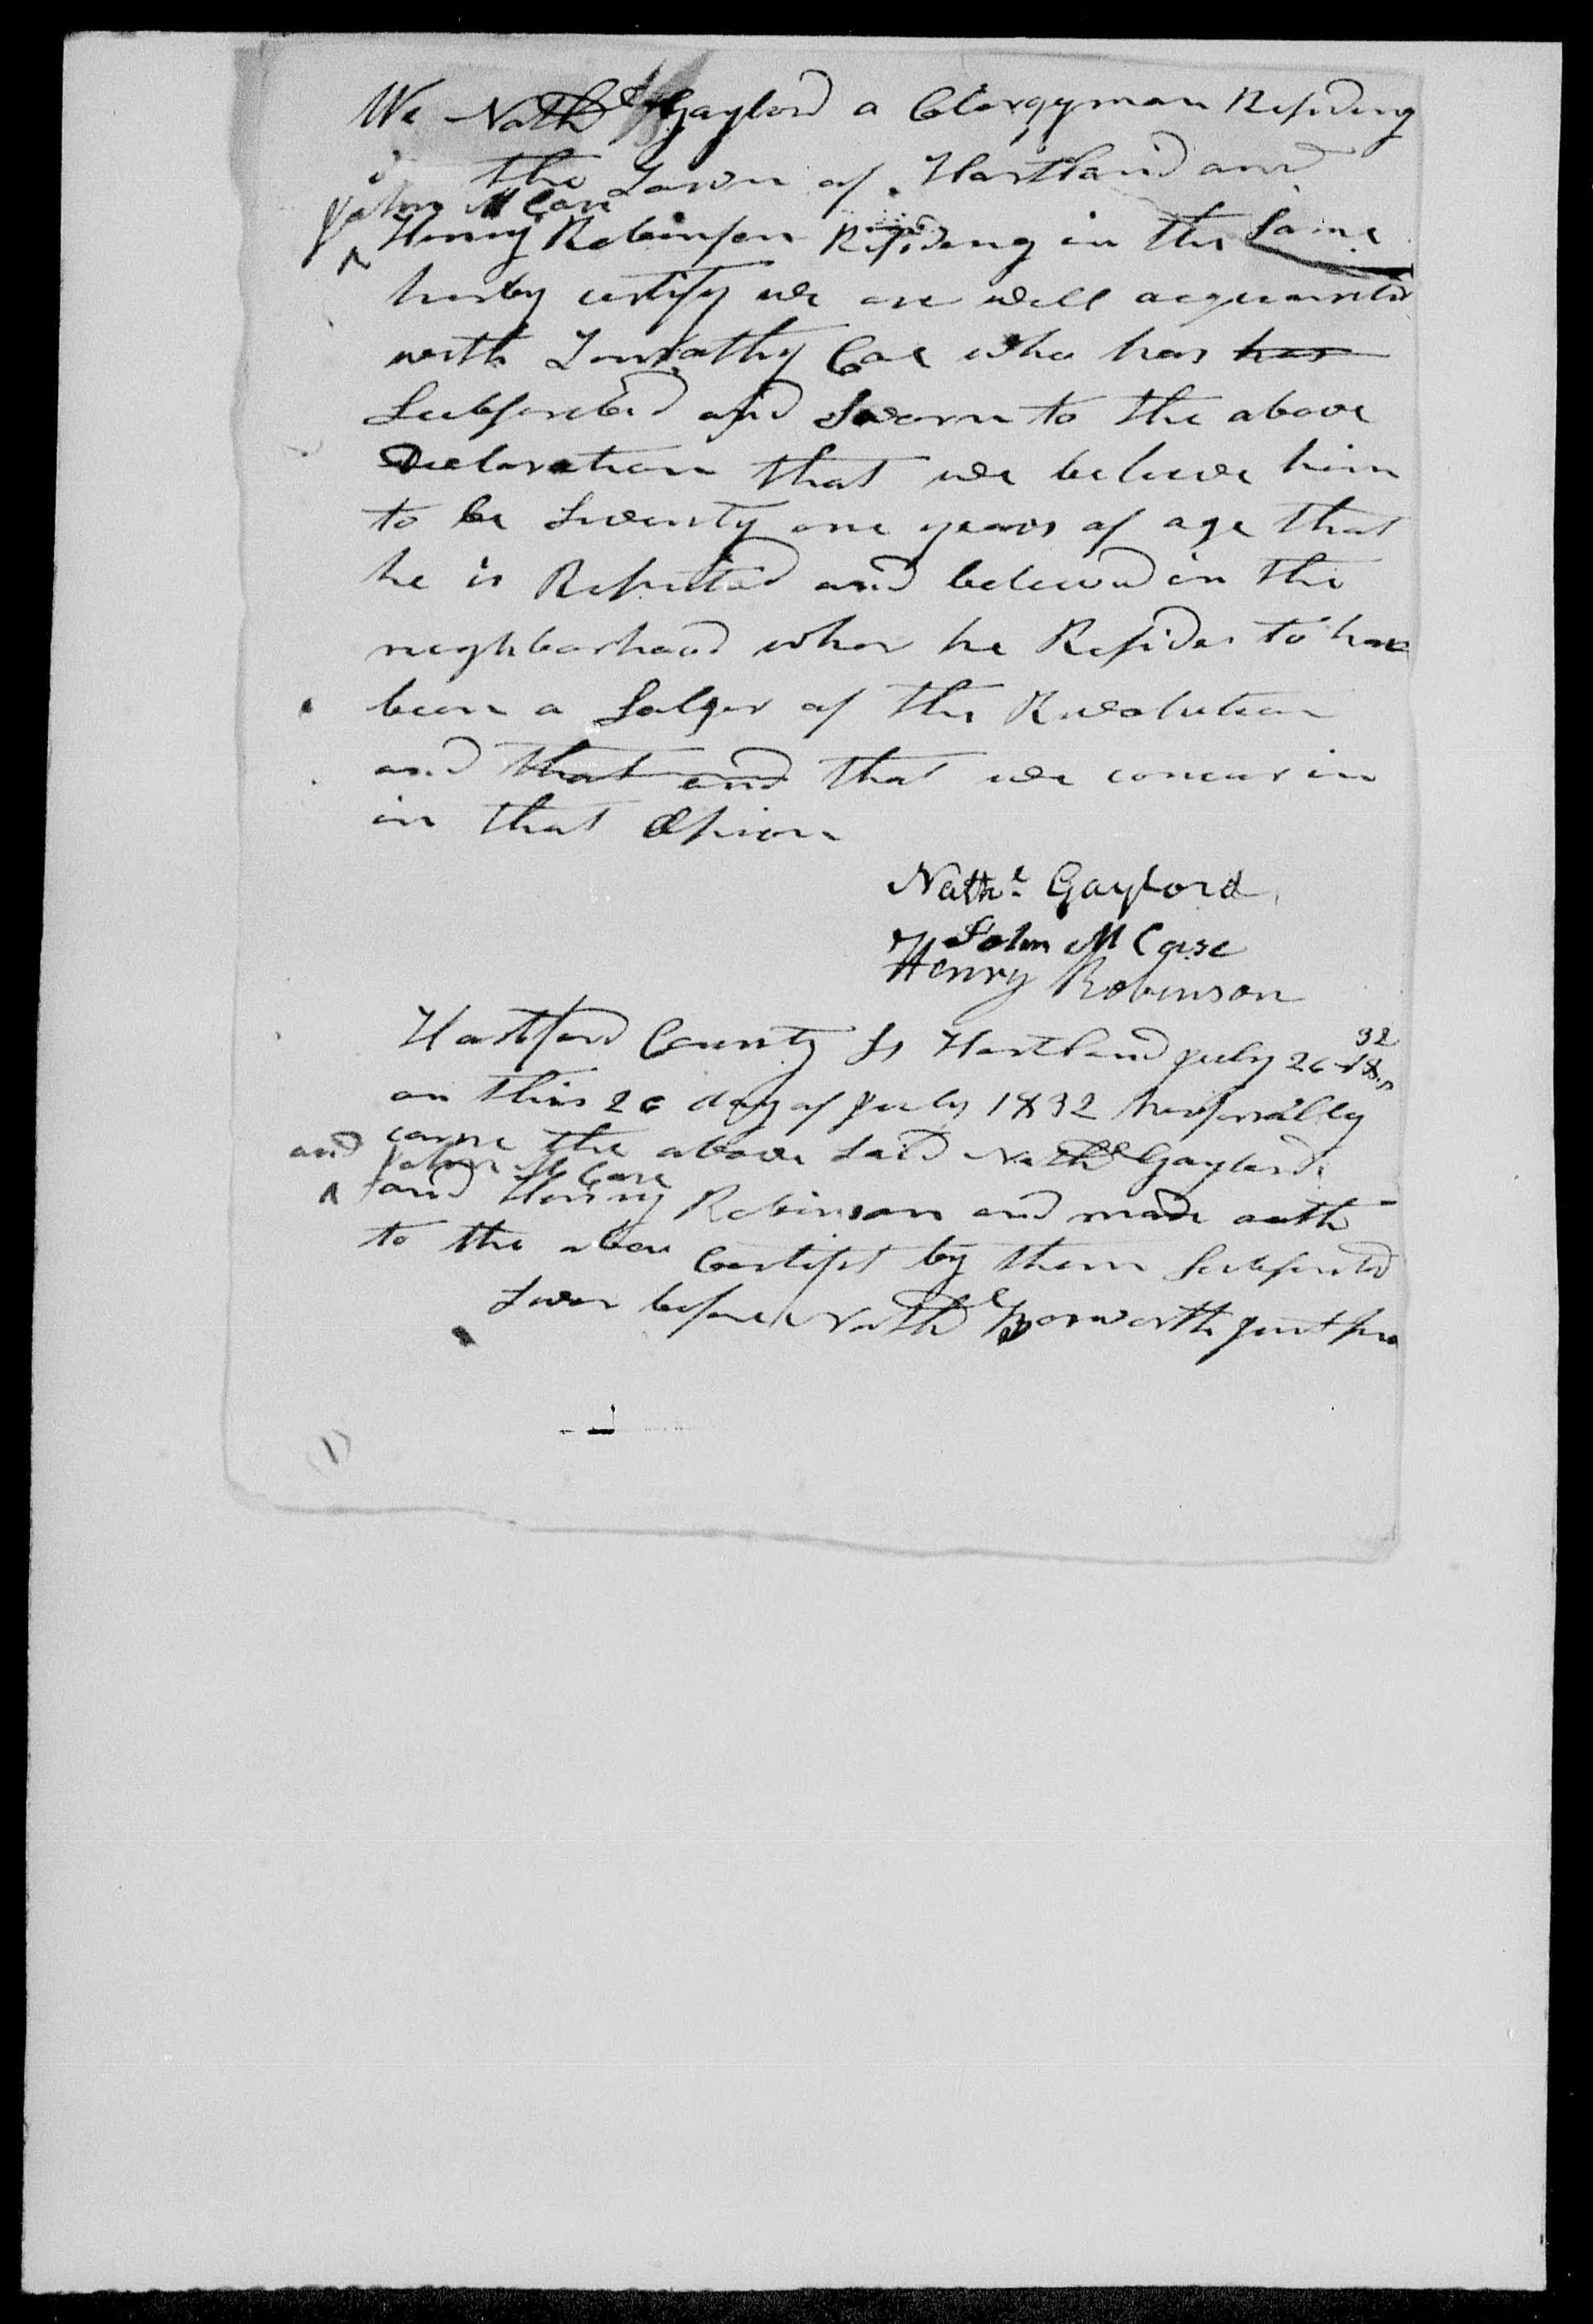We Nath Gaylord a Clergyman Residing
the Town of Hartland and John M Case
Henry Robinson Residing in the same
hereby certify we are well acquainted with
Timothy Coe who has a
Subscribed and sworn to the above
Declaration that we believe him
to be twenty one years of age that
he is reputed and believed in the
neighborhood when he resides to
been a Soldier of the Revolution
and that and that we concur in
in that Opinion.
Nathl Gaylord,
John M Case
Henry Robinson
Hartford County ss Hartland July 26 1832
on this 26 day of July 1832 personally
and to the above said Nath Gaylord, John M Case and Henry Robinson and made oath
to the above certificate by them sertified [certified]
Sworn before Nathl Bosworth Just peace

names: Nathl Gaylord, Nathl Gaylord, Timothy Coe, Nathl Bosworth, John M Case, Henry Robinson, John M Case, Henry Robinson, Nathl Gaylord, John M Case, Henry Robinson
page: 17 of 76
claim: widow's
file: W. 5,250, Timothy Coe, Conn.